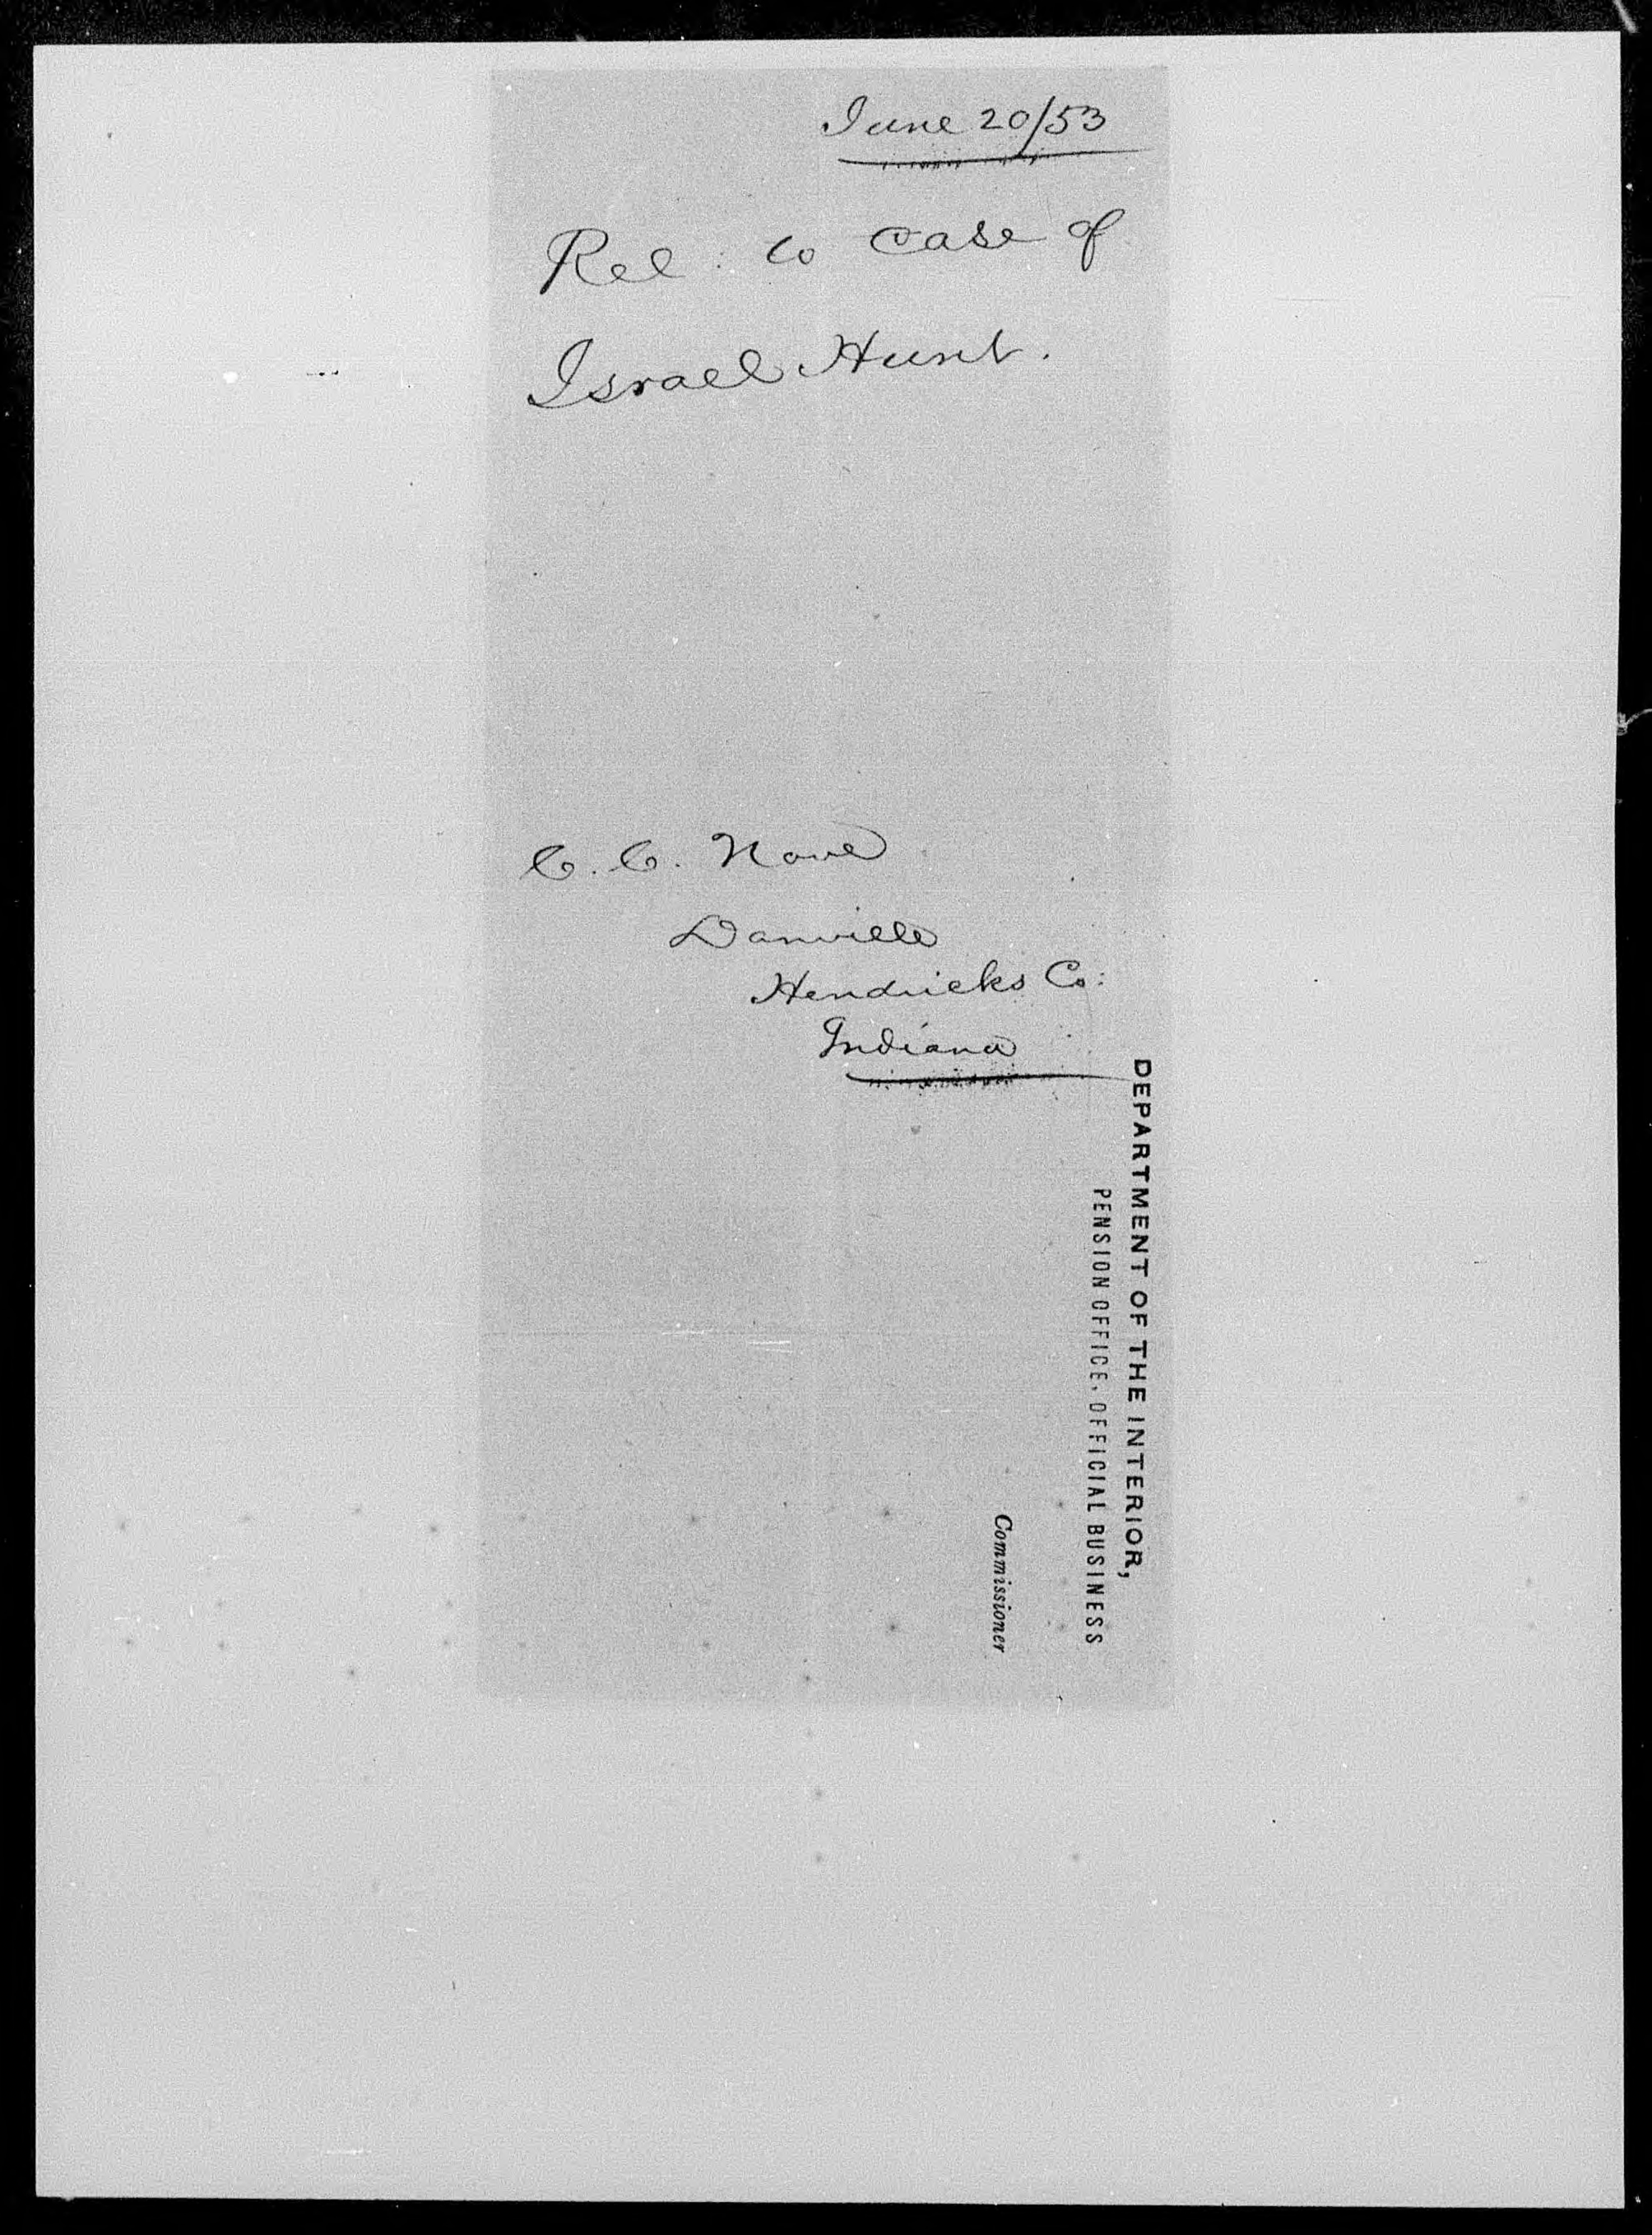June 20 / 53
Rel to case of Israel Hunt

C.C. Nove
Danville
Hendricks Co
Indiana

Department of the Interiors
Pension Office, Official Business
Commissioner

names: Israel Hunt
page: 14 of 18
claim: rejected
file: R. 5393, for Israel Hunt, New Jersey